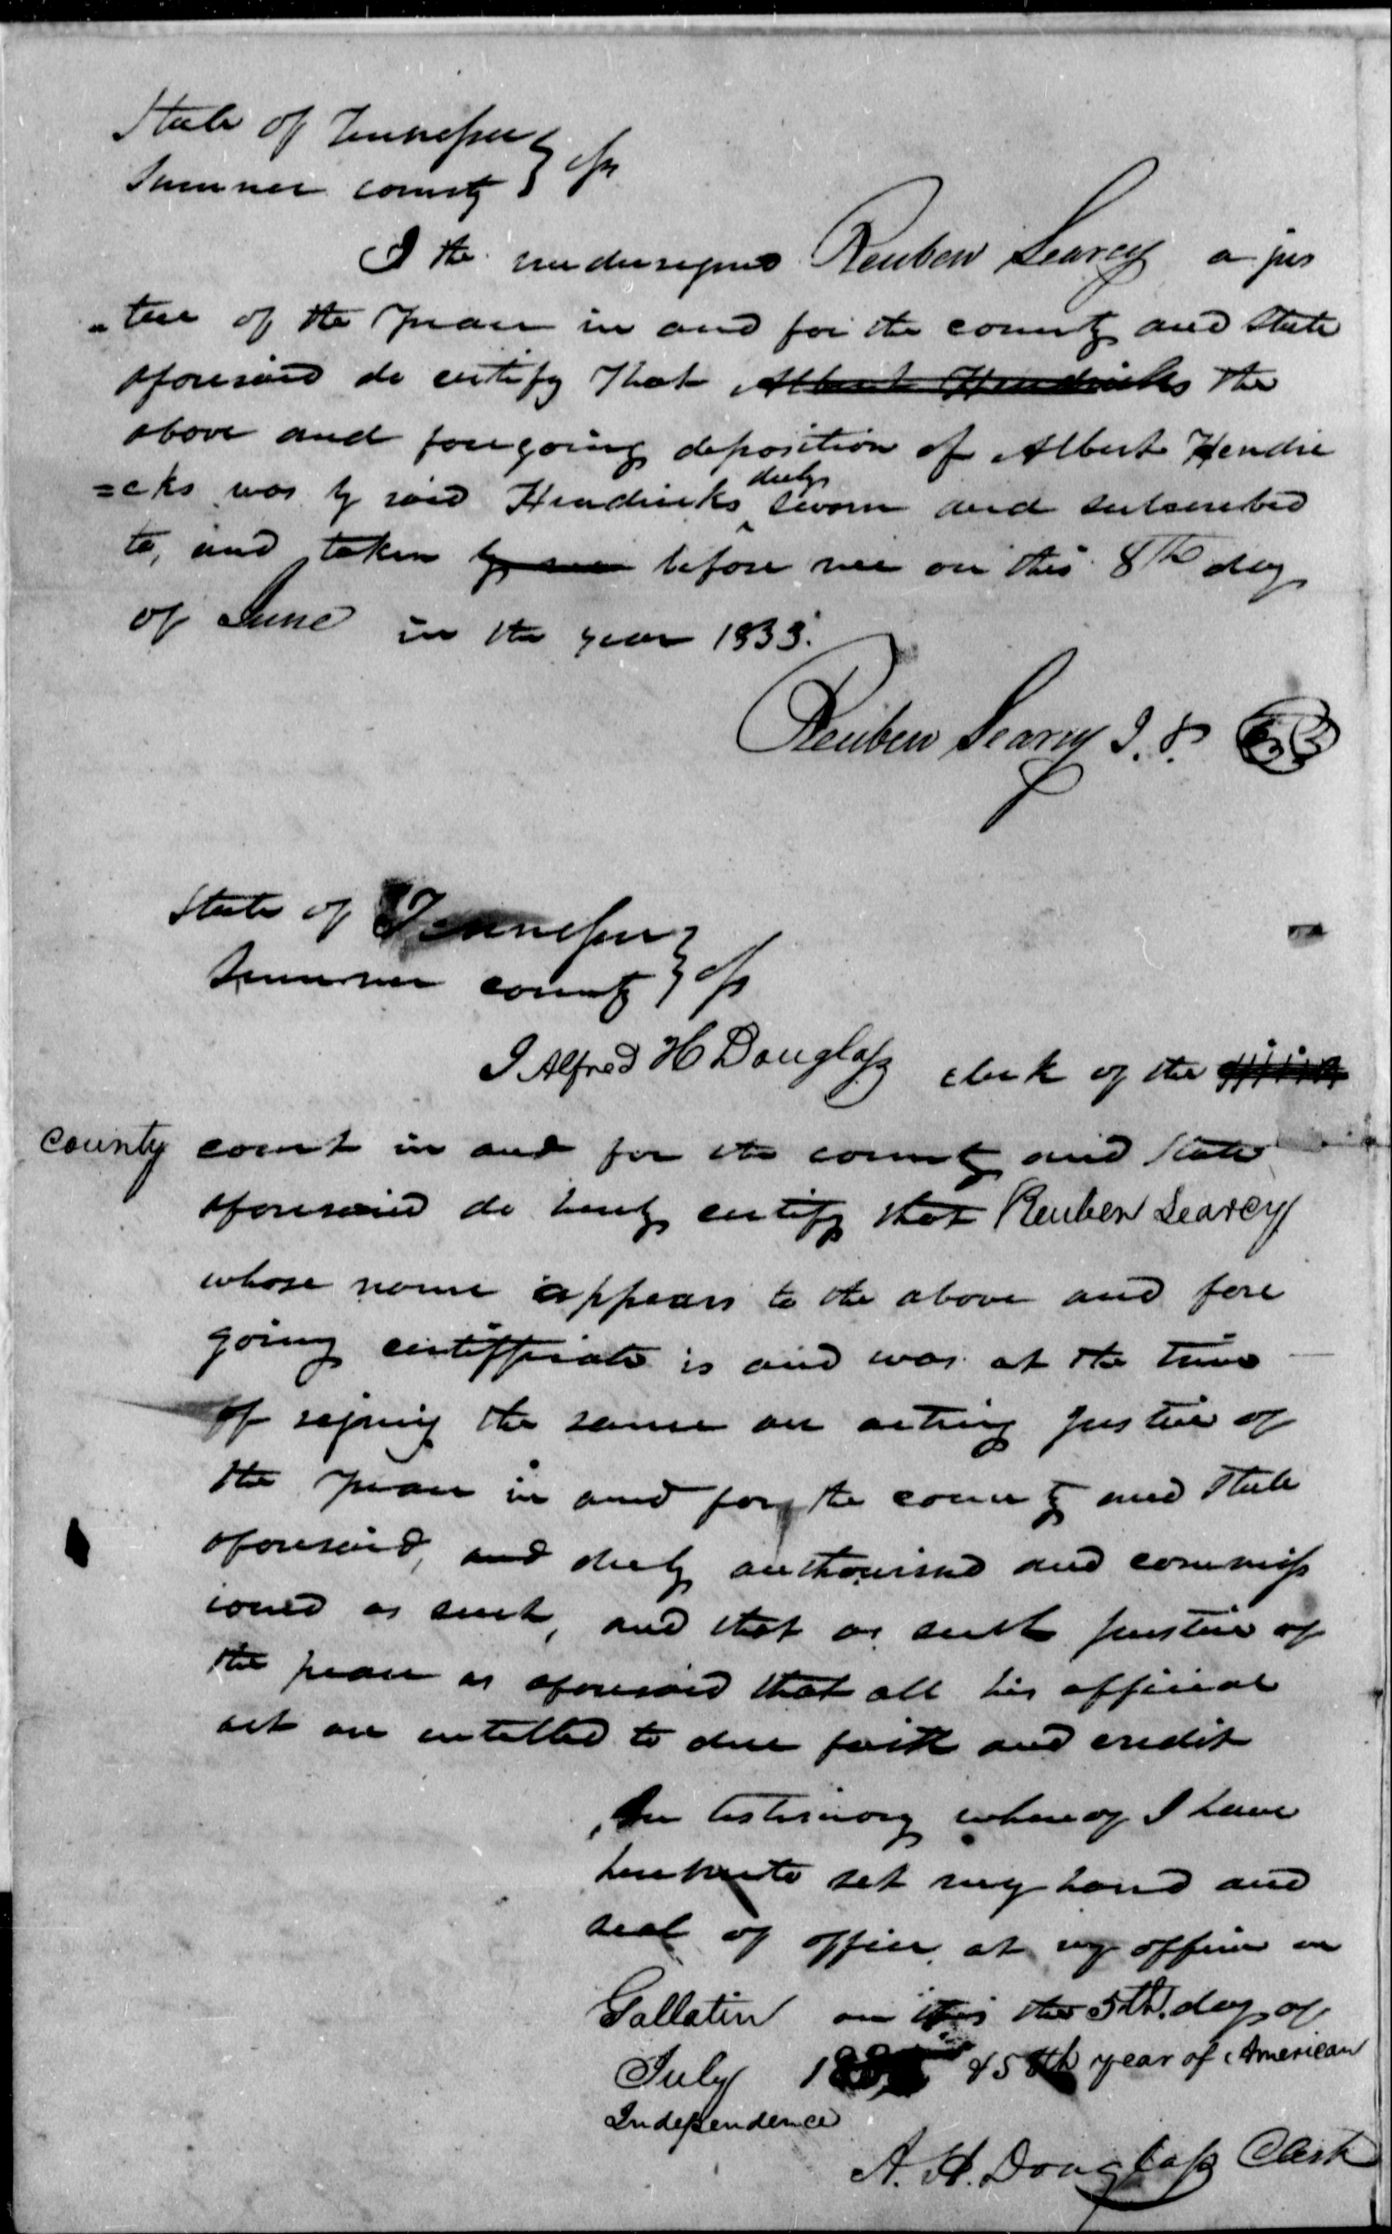State of Tennessee
Sumner County
I the undersigned Reuben Searcy a Justice of the peace in and for the County and State
aforesaid do certify that the
above and foregoing deposition of Albert Hendricks was by said Hendricks duly sworn and subscribed
to and taken before me on this 8th day
of June in the year 1833
Reuben Searcy J. P.

State of Tennessee
Sumner County 
I Alfred H Douglass
Clerk of the
County Court in and for the County and State
aforesaid do hereby certify that Reuben Searcy
whose name appears to the above and fore
going certificate is and was at the time
of signing the same an acting Justice of
the peace in and for the county and State
aforesaid and
duly authorized and commissioned as such, and that as such Justice of
the peace as aforesaid that all his official
act are entitled to due faith and credit
In testimony whereof I have
hereunto set my hand and
seal of office at my office in
Gallatin
on this the 5th day of
July 1833 & 58th year of American
Independence

A. H. Douglass Clerk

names: Reuben Searcy, A H Douglass, Reuben Searcy, Reuben Searcy, Alfred H Douglass, Albert Hendricks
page: 19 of 35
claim: survivor's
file: S. 32089, John Abbott, Continental N. C.